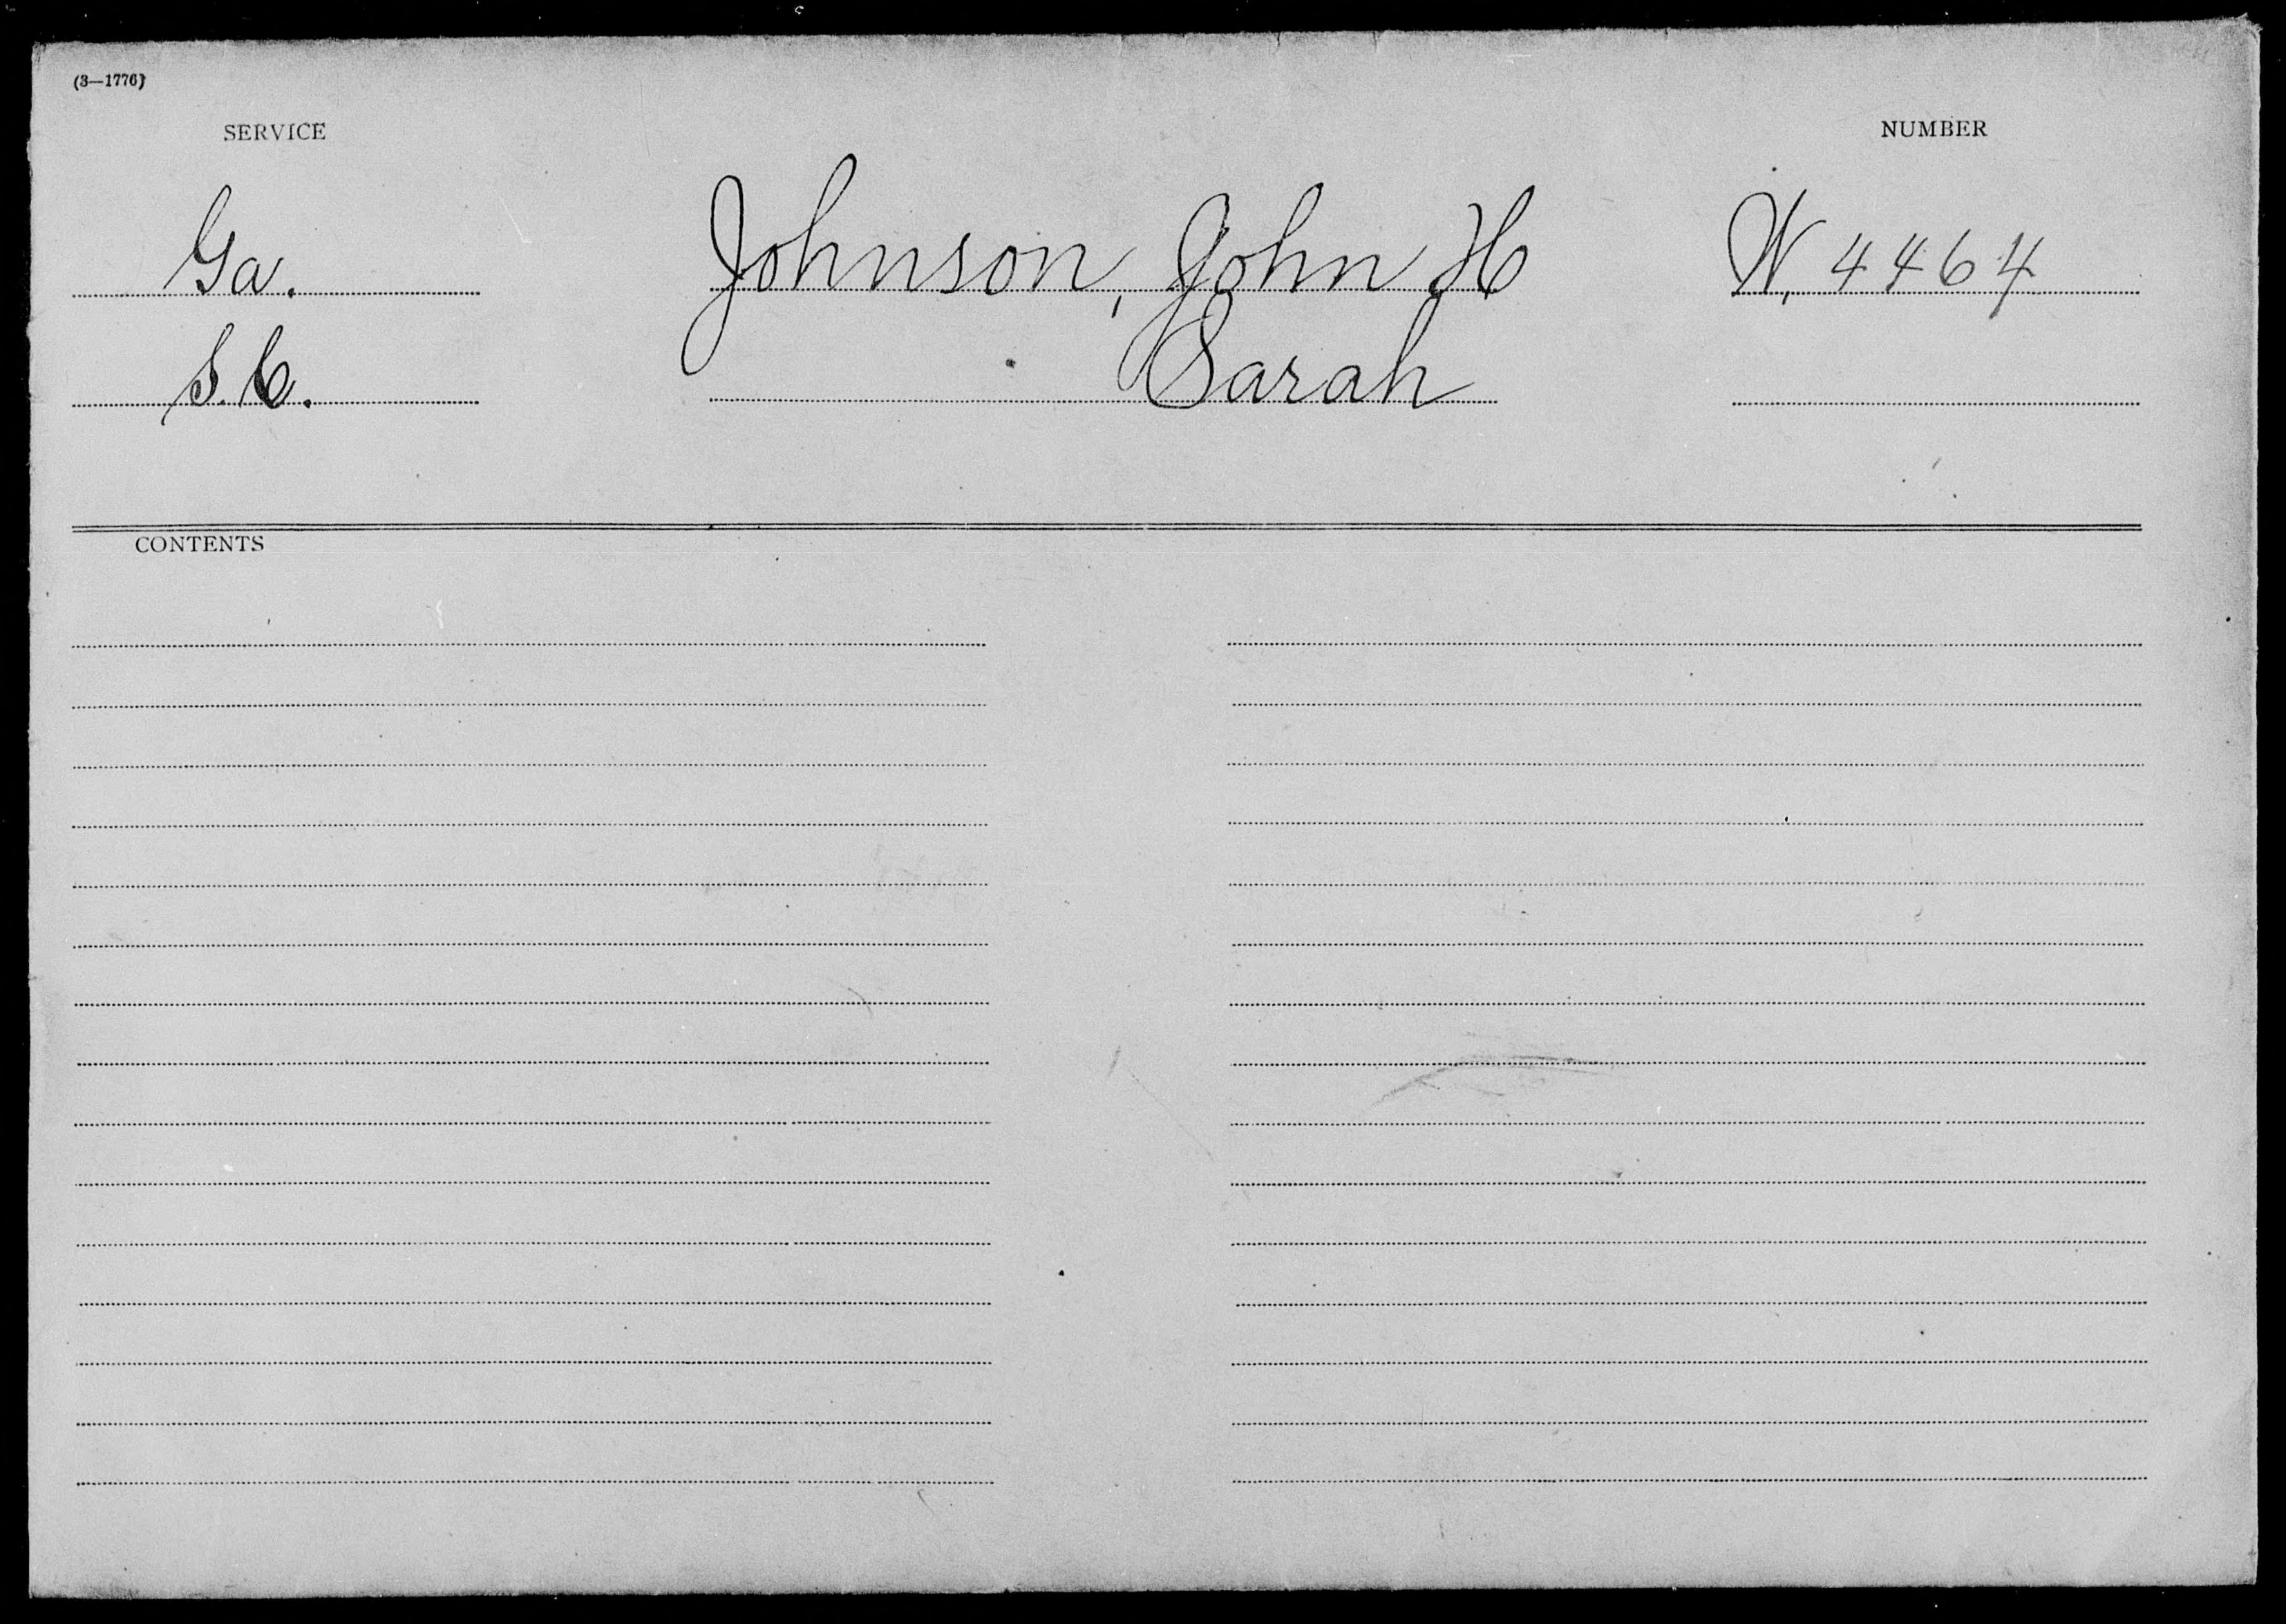GA  Johnson, John H  W 4464
SC  Johnson, Sarah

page: 1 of 26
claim: widow's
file: W. 4464, for John H Johnson, Georgia